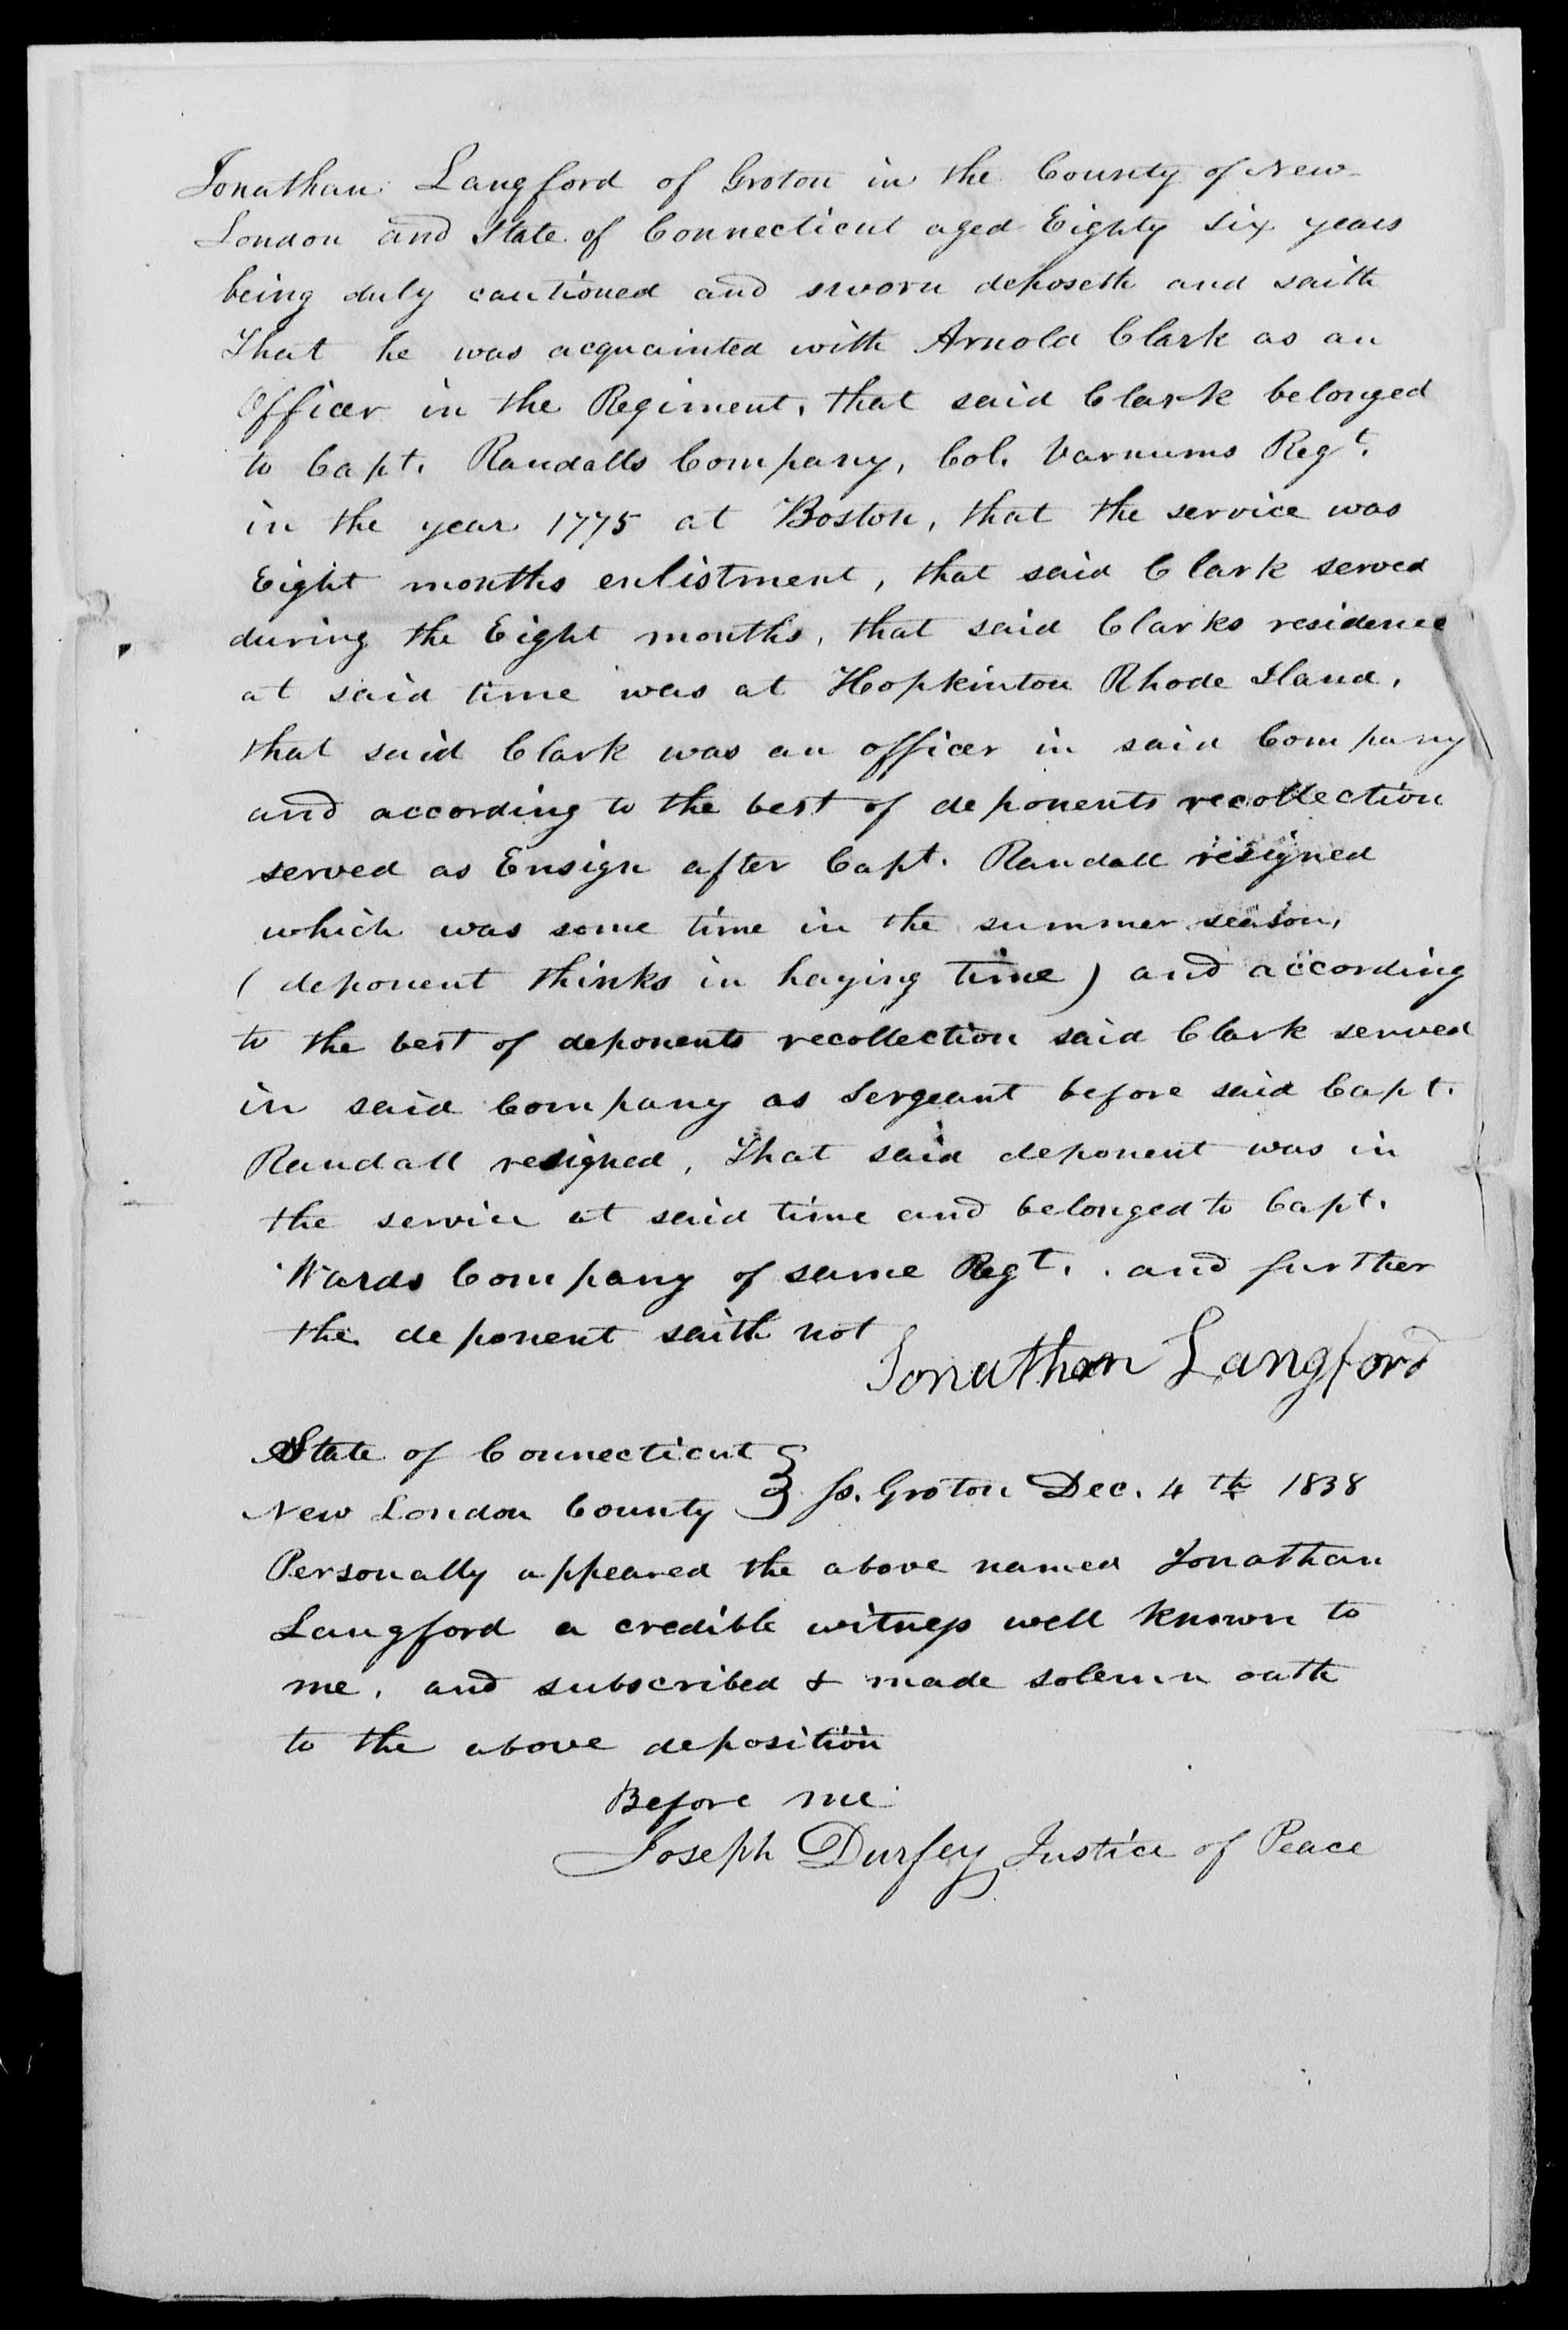Jonathan Langford of Groton in the county of New London and state of Connecticut aged eighty six years being duly cautioned and sworn deposeth and saith that he was acquainted with Arnold Clark as an officer in the Regiment. That said Clark belonged to Capt. Randalls Company, Col. Varnums Regt. in the year 1775 at Boston. That the service was eight months enlistment. That said Clark served during the eight months. That said Clarks residence at said time was at Hopkinton Rhode Island. That said Clark was an officer in said company and according to the best of deponents recollection served as ensign after Capt. Randall resigned which was some time in the summer season, (deponent thinks in haying time) and according to the best of deponents recollection said Clark served in said company as sergeant before said Capt. Randall resigned. That said deponent was in the service at said time and belonged to Capt. Wards Company of same Regt. and further the deponent saith not.
Jonathan Langford

State of Connecticut New London County ss
Groton Dec. 4th 1838
Personally appeared the above named Jonathan Langford a credible witness well known to me, and subscribed & made solemn oath to the above deposition.
Before me
Joseph Dursey, Justice of Peace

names: Randall, Clark, Joseph Dursey, Clark, Clark, Jonathan Langford, Randall, Arnold Clark, Jonathan Langford, Clarke, Jonathan Langford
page: 30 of 48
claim: widow's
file: W. 17,628, Arnold Clarke, R.I.